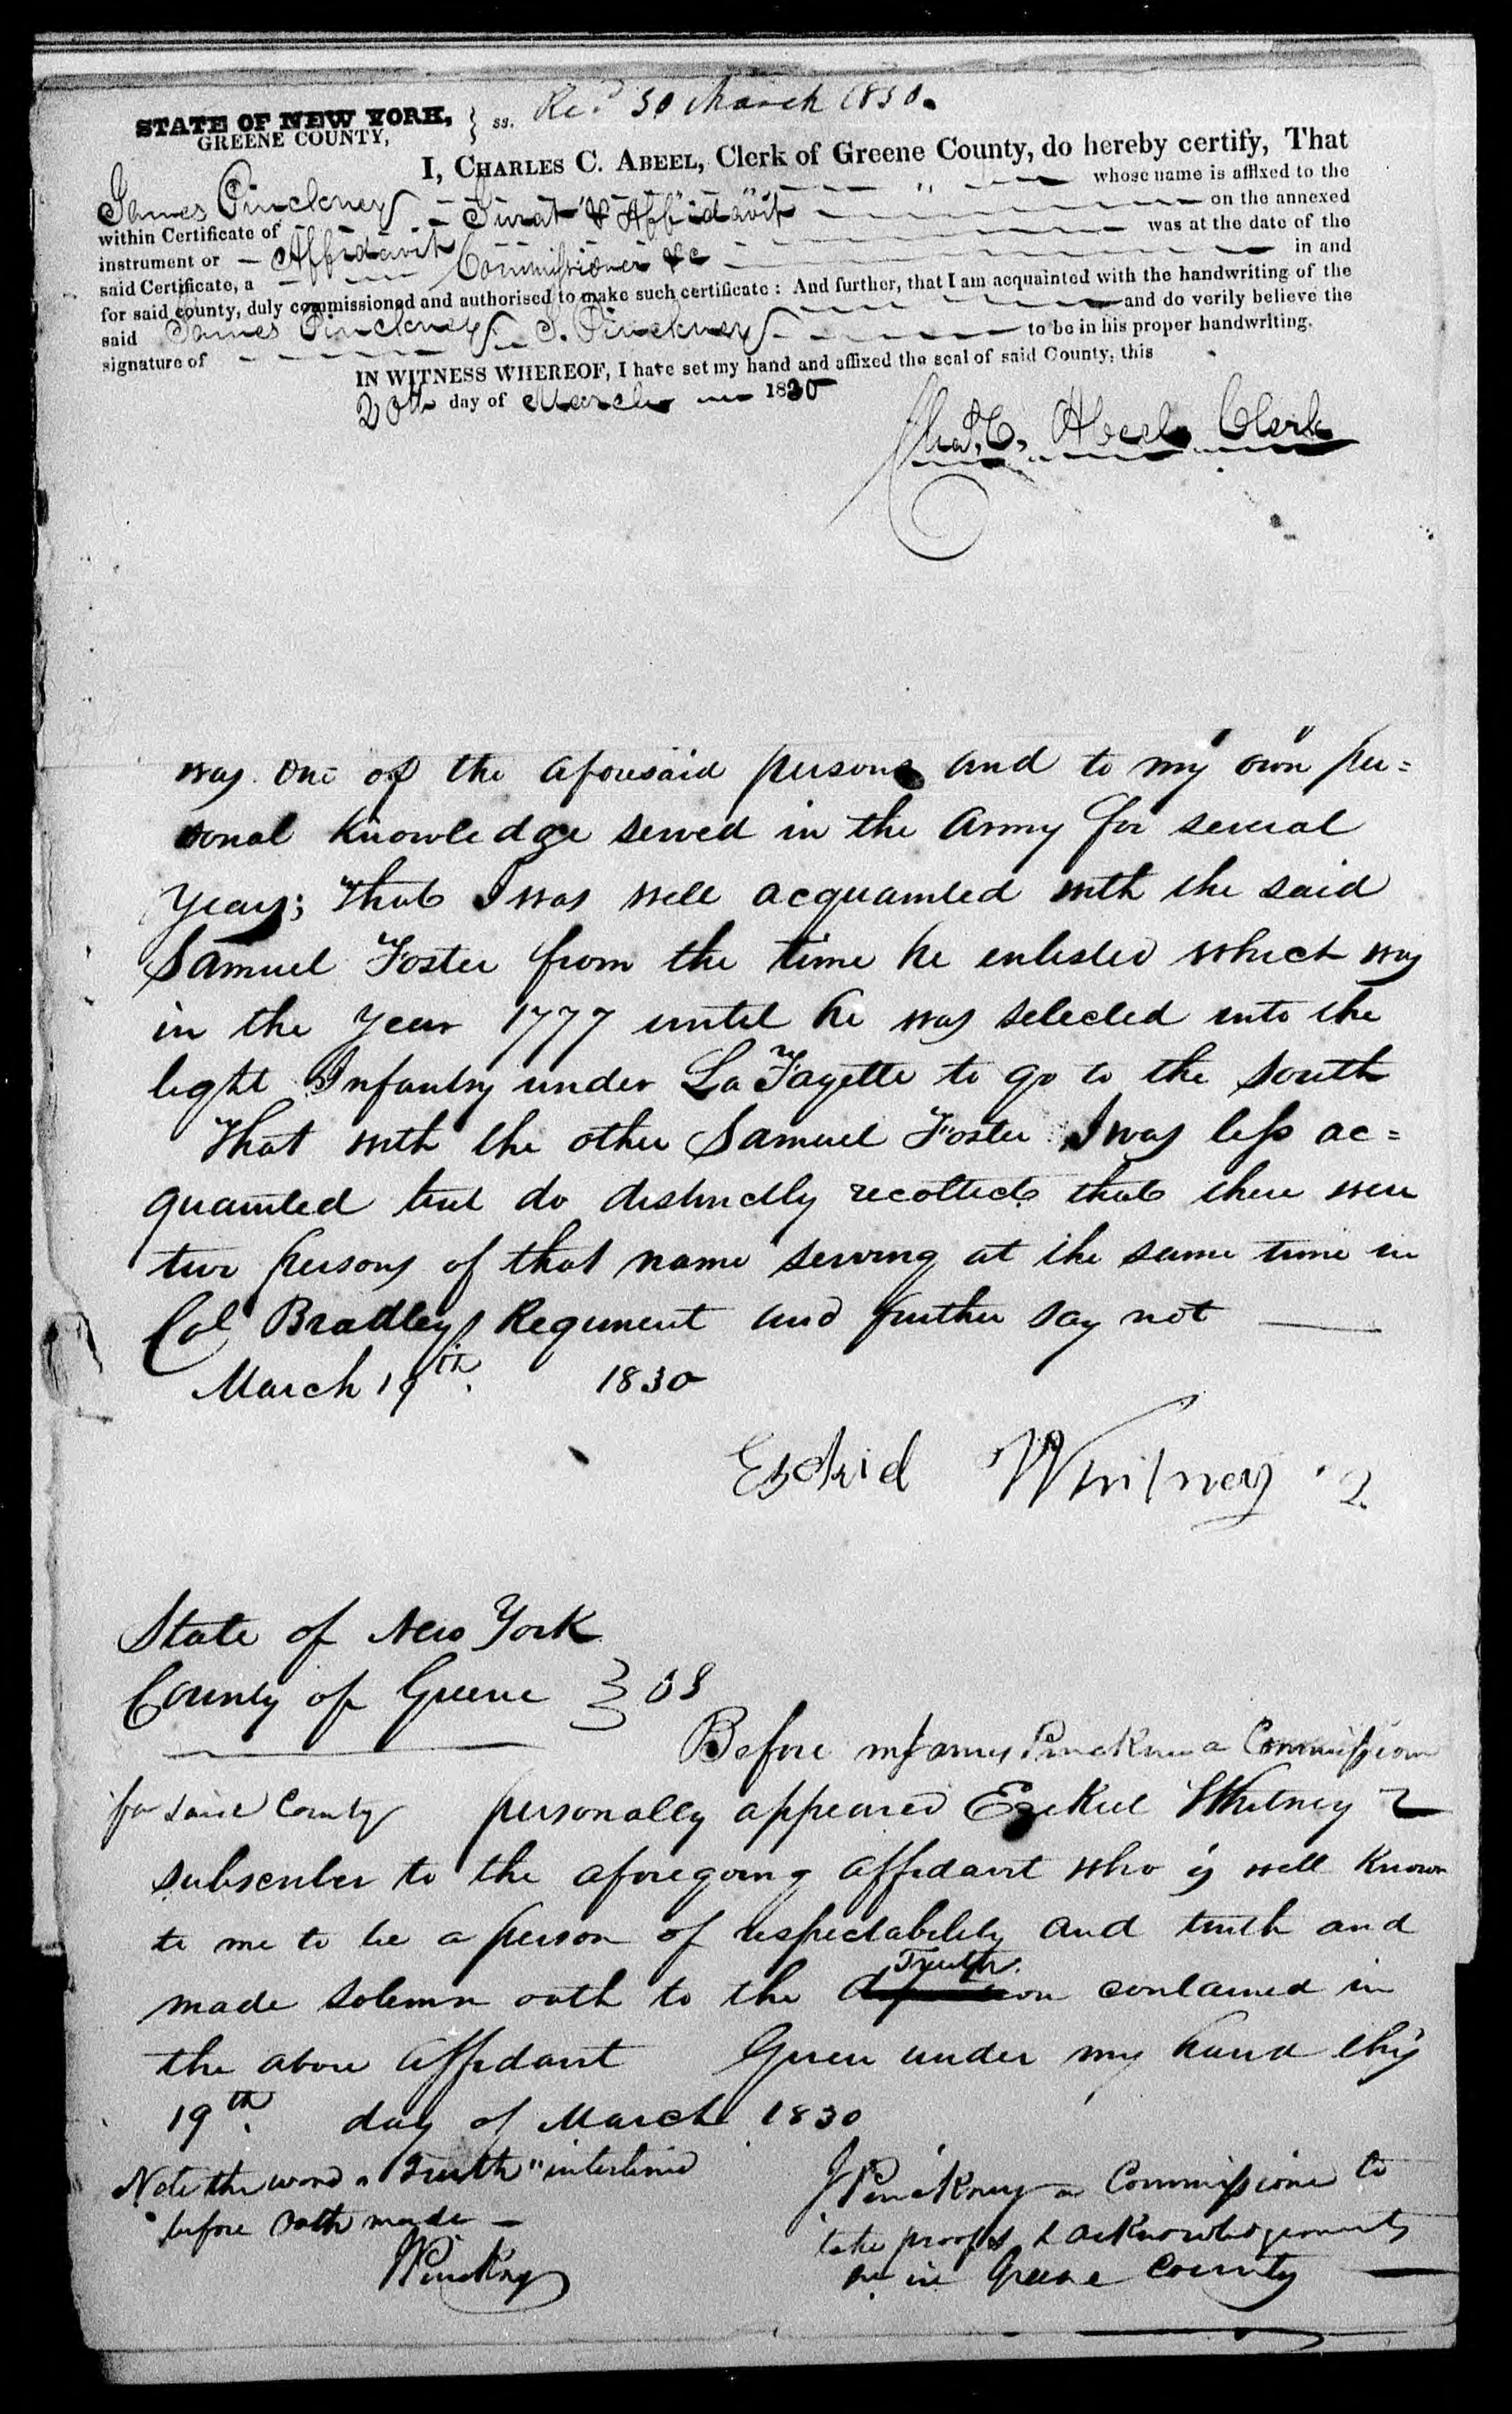STATE OF NEW YORK, GREENE COUNTY, } SS. Rec'd 30 March 1830.
I CHARLES C. ABEEL, Clerk of Green County, do hereby certify, James Pinckney whose name is affixed within Certificate of [illegible] Affidavit on the annexed instrument or Affidavit was at the date of the said Certificate, a Commissioner in and for said county, duly commissioned and authorised to make such certificate : And further, that I am acquainted with the handwriting of the said James Pinckney and do verily believe the signature of J. Pinckney to be in his proper handwriting.
IN WITNESS WHEREOF, I have set my hand and affixed the seal of said County, this 20th day of March 1830
[signed] Charles C. Abeel Clerk

was one of the aforesaid persons and to my own per=sonal knowledge served in the Army for several years; That I was well acquainted with the said Samuel Foster from the time he enlisted which was in the year 1777 until he was selected into the Light Infantry under La Fayette to go to the south
That with the other Samuel Foster I was less ac=quainted but do distinctly recollect that there were two persons of that name serving at the same time in Col Bradley's Regiment and further says not _
March 19th 1830
[signed] Ezekiel Whitney

State of New York
County of Greene } SS
Before mJames Pincknee a Commissioner of said County personally appeared Ezekiel Whitney subscriber to the aforegoing affidavit which is well known to me to be a person of respectability and truth and made solemn oath to the  [word crossed out] Truth contained in the above Affidavit Given under my hand this 19th day of March 1830
[signed] J Pinkney a Commissioner to take proofs & acknowledgements in Greene County
Note the word "Truth" interlinked before oath made [signed] JPinckney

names: J Pinckny, Ezekiel Whitney, Samuel Foster, J Pinckney, James Pinckney, La Fayette, James Pinckney, Samuel Foster, James Pincknee, Chas C Abeel, J Pinckney, Ezekiel Whitney, Charles C Abeel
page: 47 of 54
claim: survivor's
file: S. 13,043, Samuel Foster, Conn.